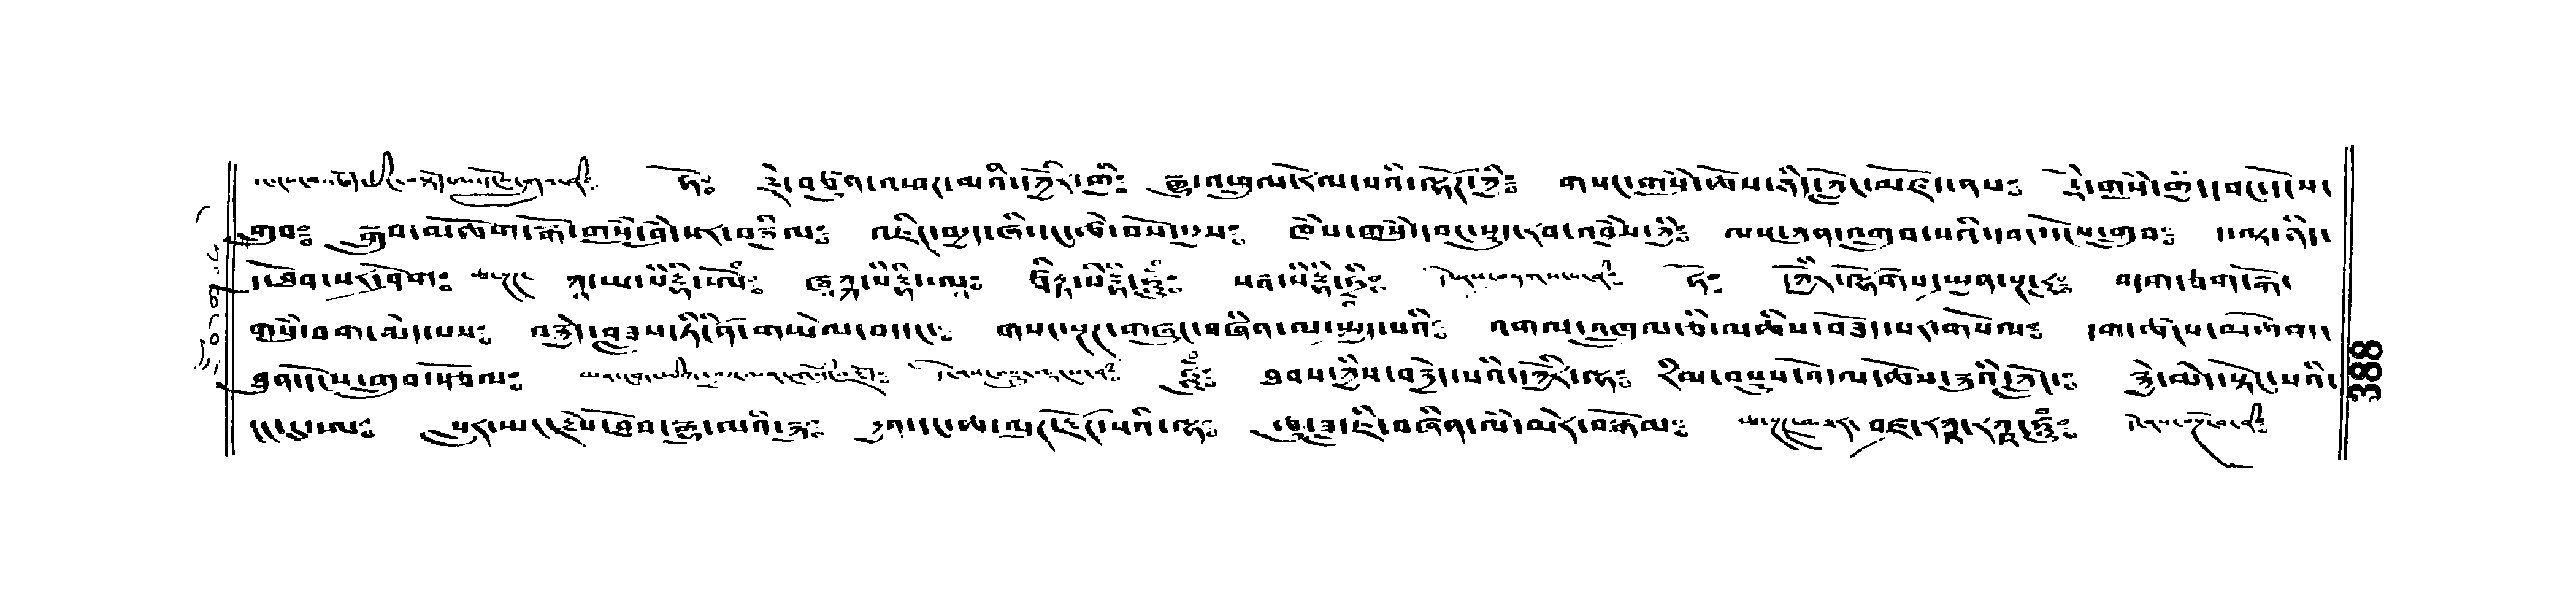དེ་ནས་མཆོད་ཅིང་བསྟོད་ལ་དངོས་གྲུབ་ནི༔ ཧོཿ རྗེ་བཙུན་འཕགས་མའི་དཀྱིལ་འཁོར་གྱི༔ སྒྱུ་འཕྲུལ་རོལ་པའི་ལྷ་ཚོགས་ཀྱི༔ གསང་གསུམ་ཆོས་ཉིད་ཀློང་མཛོད་ནས༔ རྡོ་རྗེ་གསུམ་གྱི་དབང་དངོས་
གྲུབ༔ སྒྲུབ་མཆོག་སྒོ་གསུམ་བུམ་པར་བསྐྱིལ༔ འཇིགས་བརྒྱད་ཞི་དང་ཚེ་བསོད་རྒྱས༔ ཁམས་གསུམ་དབང་སྡུད་རབ་འབྱམས་ཀྱི༔ ལས་ཀུན་འགྲུབ་པའི་དབང་དངོས་གྲུབ༔ ད་ལྟ་ཉིད་
དུ་ཐོབ་པར་ཤོག༔ རྩ་སྔགས༔ ཀཱ་ཡ་སིདྡྷི་ཨོཾ༔ ཝཱཀྐ་སིདྡྷི་ཨཱཿ ཙིཏྟ་སིདྡྷི་ཧཱུྃ༔ སརྦ་སིདྡྷི་ཧྲཱི༔ དེ་བས་བཤགས་པ་ནི༔ ཧོཿ དཀྱིལ་འཁོར་ལྷ་ཚོགས་སྤྱན་སྔ་རུ༔ བདག་ཅག་སྒོ་
གསུམ་བག་མེད་པས༔ བསྐྱེད་བཟླས་ཏིང་འཛིན་གཡེལ་བ་དང༔ གསང་སྔགས་གཞུང་བཞིན་མ་སྤྱད་པའི༔ འགལ་འཁྲུལ་ཅི་མཆིས་བཟོད་པར་གསོལ༔ དག་ཚངས་མཆོག་
ཐུན་དངོས་གྲུབ་སྩོལ༔ མན་ངག་ཡིག་བརྒྱ་ལན་གསུམ་བརྗོད༔ དེ་ནས་བསྡུ་ལྡང་ནི༔ ཧཱུྃ༔ ཐབས་ཀྱིས་བསྐྱེད་པའི་དཀྱིལ་འཁོར་ལྷ༔ རིམ་བསྡུས་འོད་གསལ་ཆོས་སྐུའི་ཀློང༔ སྐྱེ་མེད་སྟོང་པའི་
ངང་དུ་ཨཱཿ སླར་ཡང་རྗེས་ཐོབ་སྒྱུ་མའི་སྐུ༔ རྒྱན་དང་ཆ་ལུགས་རྫོགས་པའི་ལྷ༔ ཆུ་ཟླ་ཇི་བཞིན་ལམ་མེར་བསྒོམ༔ རྩ་སྔགས་མཐར༔ བཛྲ་རཀྵ་རཀྵ་ཧཱུྃ༔ དེ་ནས་བསྔོ་བ་ནི༔